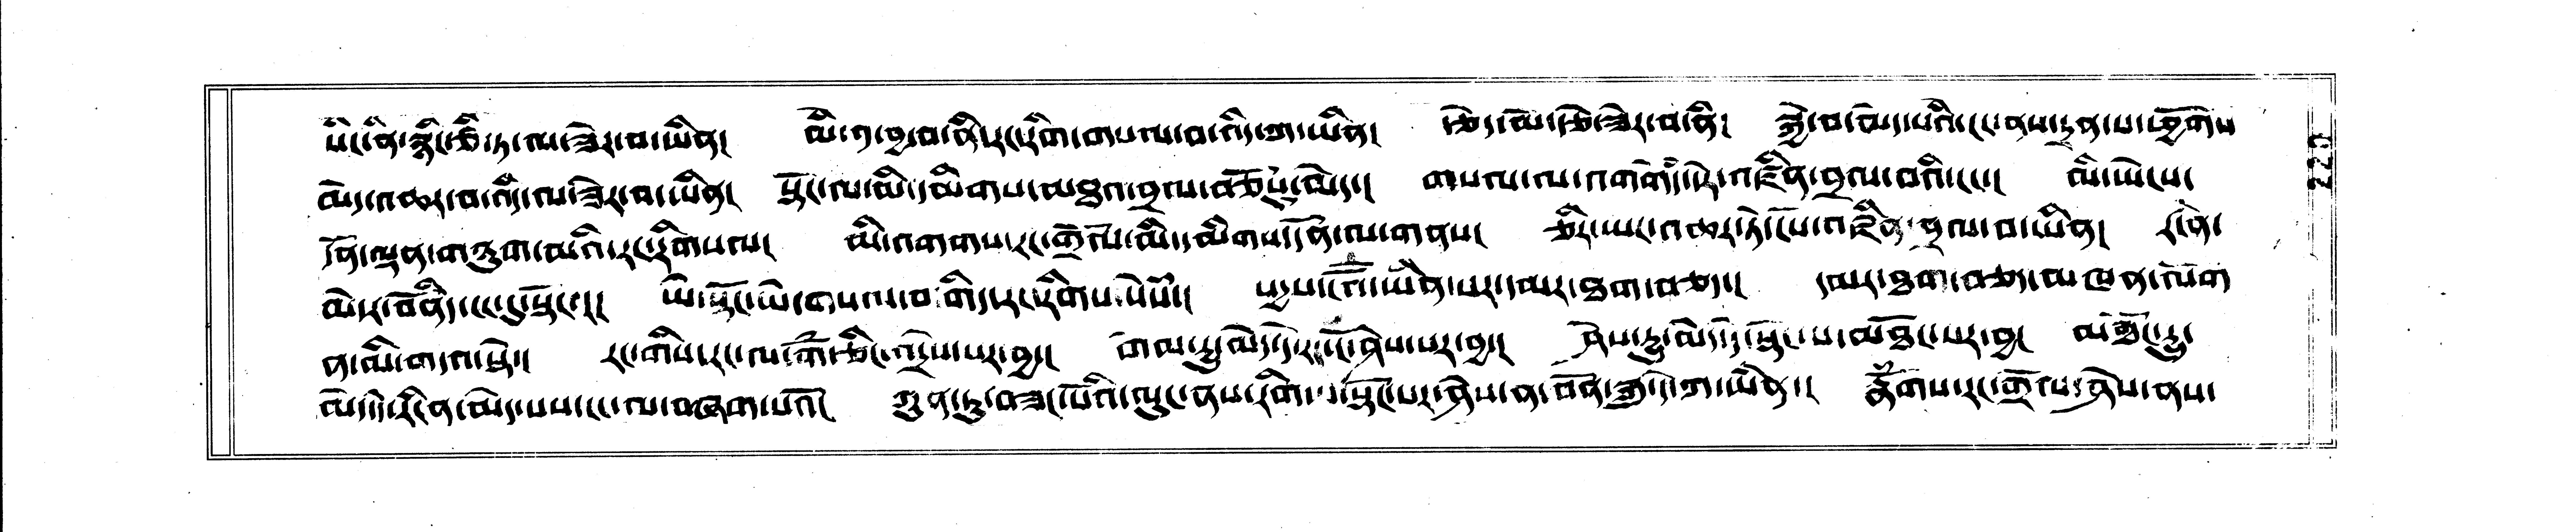སེང་ཟེར་བ་ནི། རི་བོའི་ཐ་སྙད་ནི་ལུས་འདི་ལ་ཟེར་བ་ཡིན་ནོ། ཁོང་སེང་ནི་སྙིང་ཙི་ཏ་ལ་ཟེར་བ་ཡིན་ནོ། མི་གཅིག་བྱ་བ་ནི། རང་རིག་ཡེ་ཤེས་གསལ་བ་འདི་ཀ་ཡིན་ནོ། རྩེད་མོ་རྩེ་ཟེར་བ་ནི། སྐྱེ་བ་མེད་པའི་ངང་ནས་དྲན་པ་ཕྱོགས་
མེད་དུ་འཆར་བ་ལ་ཟེར་བ་ཡིན། སྟོང་ལ་མི་དམིགས་མཐའ་བྲལ་བཅོས་སུ་མེད། གསལ་ལ་འགགས་མེད་དེར་འཛིན་བྲལ་བའི་ངང་། མི་ཡེང་
དོན་ལྡན་གཉུག་མའི་རང་རིག་ལ། མི་འགགས་རང་གྲོལ་མི་དམིགས་དོན་ལ་གནས། ཅིར་ཡང་འཆར་ཏེ་དངོས་དང་བྲལ་བའི། རང་བཞིན་
མེད་པར་བོན་ཉིད་ངང་དུ་སྟོང་། ཡེ་སྟོང་ཡེ་གསལ་བདག་མེད་རང་རིག་སེམས། སངས་རྒྱས་ངོའོ་ཡིན་པར་དམར་ཐག་བཅད། དམར་ཐག་བཅད་མཁན་ལོག་
ན་་མི་གདའ་སྟེ། རང་གི་རང་ལས་གོམ་ཅིང་འདྲིས་པར་བྱ། གོམ་དུ་མེད་དེ་རང་ངོ་ཤེས་པར་བྱ། ཤེས་རྒྱུ་མེད་དེ་སྟོང་པ་མཐོང་པར་བྱ། མཐོང་རྒྱུ་
མེད་སྟེ་རང་བཞིན་མེད་པའི་ངང་ལས་བཞག་པའོ། ཀུན་བཟང་གིས་ལུང་ནས་ཀྱང་། རིག་པ་སྟོང་པར་ཤེས་ན་བོན་སྐུ་དེ་ཀ་ཡིན། རྣམ་རྟོག་རང་གྲོལ་དུ་ཤེས་ན་